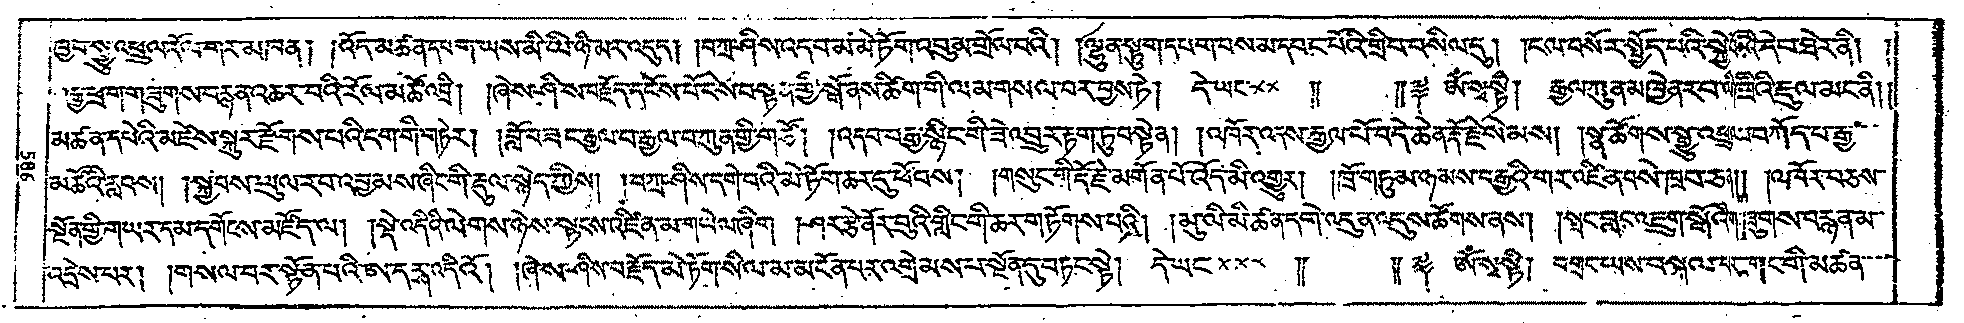ཁྱབ་སྒྱུ་འཕྲུལ་རོལ་གར་མཁན། །འོད་མཚན་དཔག་ཡས་མི་ཡི་ཉི་མར་འདུད། །བཀྲ་ཤིས་འདབ་མ་མེ་ཏོག་འབུམ་གྲོལ་བའི། །ལྷུན་སྟུག་དཔག་བསམ་དབང་པོའི་གྲིབ་བསིལ་དུ། །ངལ་བསོར་སྤྱོད་པའི་སྐྱེ་བོའི་དེབ་ཐེར་ནི། །
བརྒྱ་ཕྲག་གཟུགས་བརྙན་འཆར་བའི་རོལ་མཚོ་འབྲི། །ཞེས་ཤིས་བརྗོད་དངོས་པོ་ངེས་བསྟན་གྱི་སྒོ་ནས་ཚིག་གི་ལམ་གསལ་བར་བྱས་ཏེ། དེ་ཡང་྾་྾་།། །། ༈ ཨོཾ་སྭསྟི། རྒྱལ་ཀུན་མཁྱེན་རབ་ལི་ཁྲིའི་རྡུལ་མང་ནི། །
མཚན་དཔེའི་མཛེས་སྐུར་རྫོགས་པའི་ངག་གི་གཏེར། །བློ་བཟང་རྒྱལ་བ་རྒྱལ་བ་ཀུན་གྱི་གཙོ། །འདབ་བརྒྱ་སྙིང་གི་ཟེ་འབྲུར་རྟག་ཏུ་བསྟེན། །འཁོར་འདས་རྒྱལ་པོ་བདེ་ཆེན་རྡོ་རྗེ་སེམས། །སྣ་ཚོགས་སྒྱུ་འཕྲུལ་བཀོད་པ་རྒྱ་
མཚོའི་རླབས། །སྐྱབས་ཡུལ་རབ་འབྱམས་ཞིང་གི་རྡུལ་སྙེད་ཀྱིས། །བཀྲ་ཤིས་དགེ་བའི་མེ་ཏོག་ཆར་དུ་ཕོབས། །གསུང་གི་རྡོ་རྗེ་མགོན་པོ་འོད་མི་འགྱུར། །ཁྲོ་གཏུམ་ཉམས་བརྒྱའི་གར་འཛིན་བསེ་ཁྲབ་ཅན། །འཁོར་བཅས་
སྔོན་གྱི་གཡར་དམ་དགོངས་མཛོད་ལ། །སྡེ་འདིའི་ལེགས་ཉེས་སྟངས་འཛིན་མ་གཡེལ་ཞིག །ཤར་རྩེ་ནོར་བུའི་གླིང་གི་ཆར་གཏོགས་པའི། །མུ་ལི་མི་ཚན་དགེ་འདུན་འདུས་ཚོགས་ནས། །སྤང་བླང་འཇུག་སྒོའི་གཟུགས་བརྙན་མ་
འདྲེས་པར། །གསལ་བར་སྟོན་པའི་ཨ་དརྴ་འདིའོ། །ཞེས་ཤིས་བརྗོད་མེ་ཏོག་སིལ་མ་མངོན་པར་འགྲེམས་པ་སྔོན་དུ་བཏང་སྟེ། དེ་ཡང་྾་྾་྾་།། །། ༈ ཨོཾ་སྭསྟི། བགྲང་ཡས་བསྐལ་པར་གང་གི་མཚན་